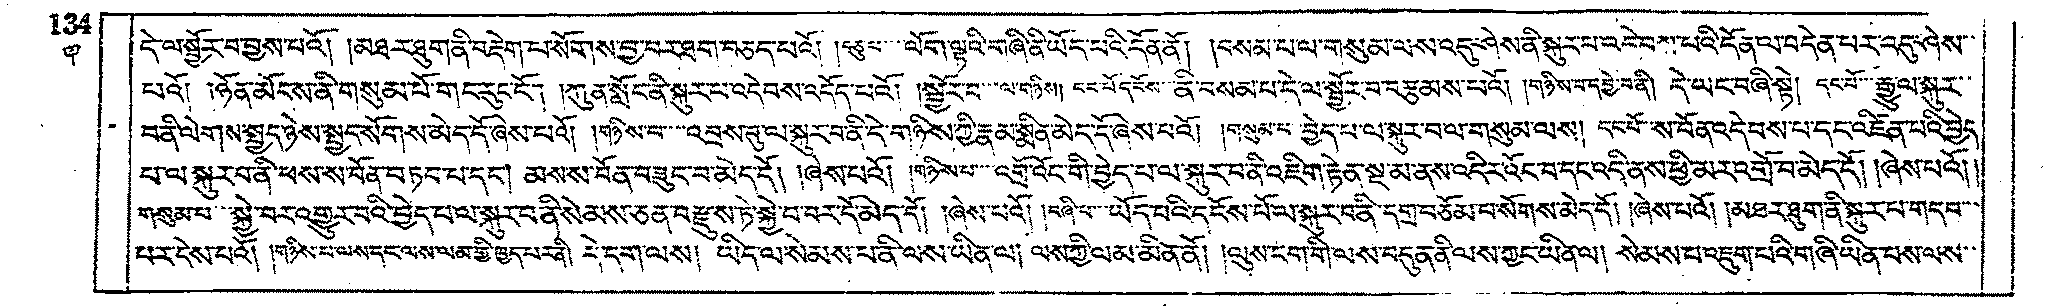དེ་ལ་སྦྱོར་བ་བྱས་པའོ། །མཐར་ཐུག་ནི་བརྡེག་པ་སོགས་བྱ་བར་ཐག་བཅད་པའོ། །བཅུ་པལོག་ལྟའི་གཞི་ནི་ཡོད་པའི་དོན་ནོ། །བསམ་པ་ལ་གསུམ་ལས་འདུ་ཤེས་ནི་སྐུར་པ་འདེབས་པའི་དོན་ལ་བདེན་པར་འདུ་ཤེས་
པའོ། །ཉོན་མོངས་ནི་གསུམ་པོ་གང་རུང་ངོ། །ཀུན་སློང་ནི་སྐུར་པ་འདེབས་འདོད་པའོ། །སྦྱོར་བལ་གཉིས། དང་པོ་དངོསནི་བསམ་པ་དེ་ལ་སྦྱོར་བ་བརྩམས་པའོ། །གཉིས་པ་དབྱེ་བ་ནི།  དེ་ཡང་བཞི་སྟེ། དང་པོརྒྱུ་ལ་སྐུར་
བ་ནི་ལེགས་སྤྱད་ཉེས་སྤྱད་སོགས་མེད་དོ་ཞེས་པའོ། །གཉིས་པའབྲས་བུ་ལ་སྐུར་བ་ནི་དེ་གཉིས་ཀྱི་རྣམ་སྨིན་མེད་དོ་ཞེས་པའོ། །གསུམ་པབྱེད་པ་ལ་སྐུར་བ་ལག་སུམ་ལས། དང་པོས་བོན་འདེབས་པ་དང་འཛིན་པའི་བྱེད་
པ་ལ་སྐུར་བ་ནི་ཕས་ས་བོན་བཏབ་པ་དང་། མས་ས་བོན་བཟུང་བ་མེད་དོ། །ཞེས་པའོ། །གཉིས་པའགྲོ་འོང་གི་བྱེད་པ་ལ་སྐུར་བ་ནི་འཇིག་རྟེན་སྔ་མ་ནས་འདིར་འོང་བ་དང་འདི་ནས་ཕྱི་མར་འགྲོ་བ་མེད་དོ། །ཞེས་པའོ། །
གསུམ་པསྐྱེ་བར་འགྱུར་བའི་བྱེད་པ་ལ་སྐུར་བ་ནི་སེམས་ཅན་བརྫུན་ཏེ་སྐྱེ་བ་བར་དོ་མེད་དོ། །ཞེས་པའོ། །བཞི་པཡོད་པའི་དངོས་པོ་ལ་སྐུར་བ་ནི་དགྲ་བཅོམ་པ་སོགས་མེད་དོ། །ཞེས་པའོ། །མཐར་ཐུག་ནི་སྐུར་པ་གདབ་
པར་ངེས་པའོ། །གཉིས་པ་ལས་དང་ལས་ལམ་གྱི་ཁྱད་པར་ནི།  དེ་དག་ལས། ཡིད་ལ་སེམས་པ་ནི་ལས་ཡིན་ལ། ལས་ཀྱི་ལམ་མིན་ནོ། །ལུས་ངག་གི་ལས་བདུན་ནི་ལས་ཀྱང་ཡིན་ལ། སེམས་པ་འཇུག་པའི་གཞི་ཡིན་པས་ལས་